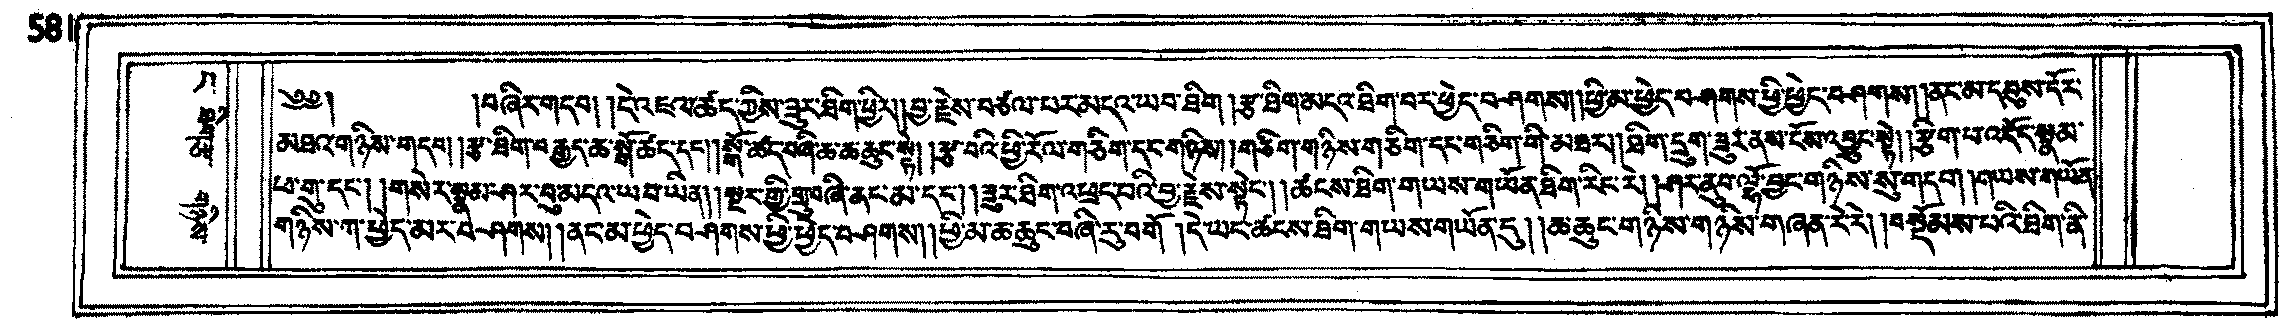༄༅། །བཞིར་གདབ། །དེ་འཇལ་ཚད་ཀྱིས་ཟུར་ཐིག་ཕྱིར། །བྱ་རྗེས་བཙལ་པར་མདའ་ཡབ་ཐིག །རྩ་ཐིག་མངའ་ཐིག་བར་ཕྱེད་བཤགས། །ཕྱི་མ་ཕྱེད་བཤགས་ཕྱེང་བཤགས། །ནང་མ་དབུས་དོར་
མཐའ་གཉིས་གདབ། །རྩ་ཐིག་བརྒྱད་ཆ་སྒོ་ཚད་དང་། །སྒོ་ཚད་སྒོ་ཚད་དང་། །སྒོ་ཚང་བཞི་ཆ་ཆ་ཆུང་སྟེ། །རྩ་བའི་ཕྱི་རོལ་གཅིག་དང་གཉིས། །གཅིག་གཉིས་གཅིག་དང་གཅིག་གི་མཐར། །ཐིག་དྲུག་ཟུར་ནས་ངོས་འབྱུང་སྟེ། །རྩིག་པ་འདོད་སྣམ་
ཕ་གུ་དང་། །གསེར་སྣམ་ཤར་བུ་མདའ་ཡབ་ཡིན། །སྔར་གྱི་གྲུ་བཞི་ནང་མ་དང་། །ཟུར་ཐིག་འཕྲད་པའི་བྱ་རྗེས་སྟེང་། །ཚངས་ཐིག་གཡས་གཡོན་ཐིག་རིང་རེ། །ཤར་ནུབ་ལྷོ་བྱང་གཉིས་སུ་གདག །གཡས་གཡོན་
གཉིས་ཀ་ཕྱེད་མར་བཤགས། །ནང་མ་ཕྱེད་བཤགས་ཕྱི་ཕྱེད་བཤགས། །ཕྱི་མ་ཆ་ཆུང་བཞི་རུ་བགོ །དེ་ཡང་ཚངས་ཐིག་གཡས་གཡོན་དུ། །ཆ་ཆུང་གཉིས་གཉིས་གཞན་རེ་རེ། །བསྡོམས་པའི་ཐིག་ནི་